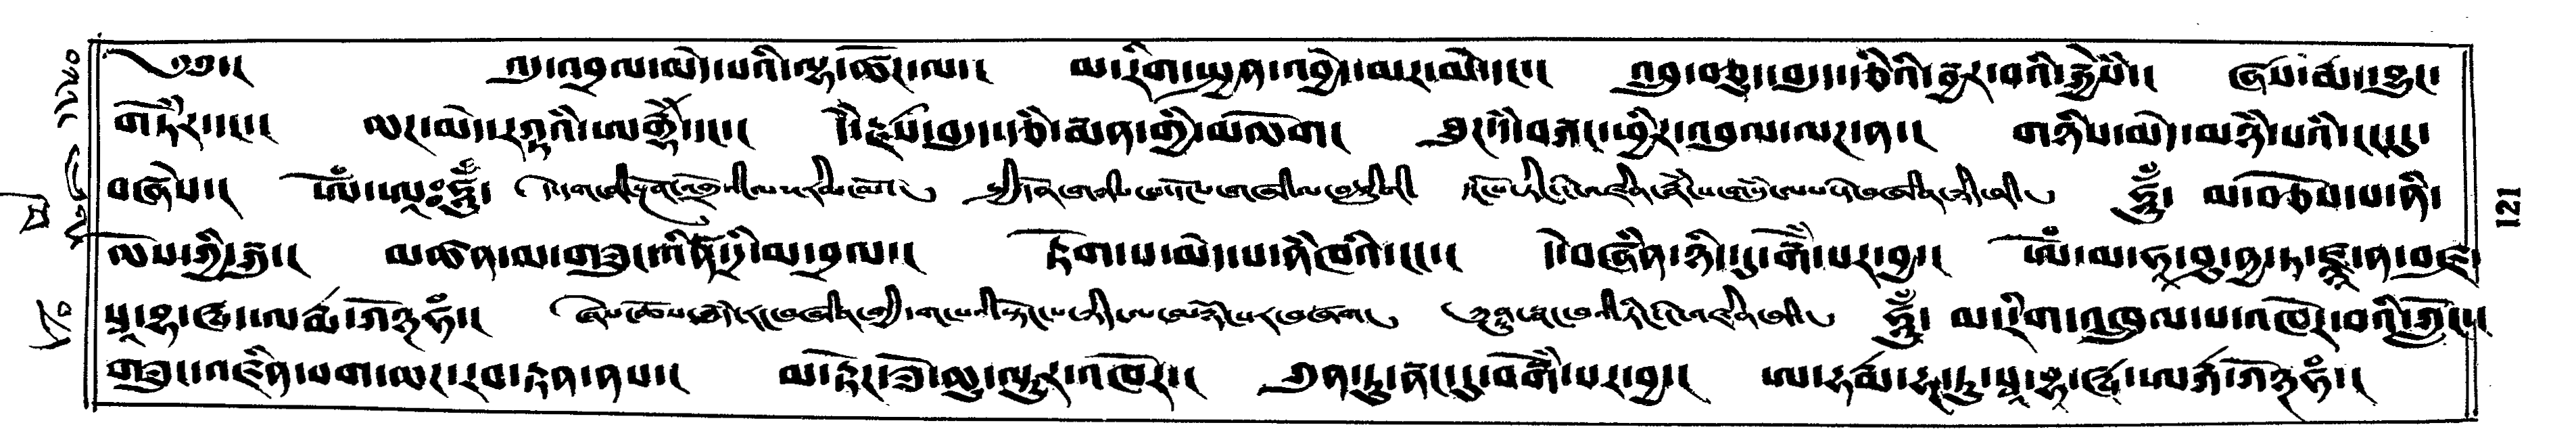།འདུ་འབྲལ་མེད་པའི་ལྷ་ཚོགས་ལ། །མ་རིག་སྤྱན་འབྱེད་མར་མེ་དང་། །འབྲུ་བཅུ་བདུད་རྩིར་སྦྱར་བའི་སྐྱེམས། ཞལ་ཟས་རྨད་བྱུང་
གཏོར་མ་དང་། །ཆགས་མེད་རཀྟའི་ཨརྒྷཾ་དང་། །དམ་རྫས་བདུད་རྩི་སྨན་གྱི་མཆོག། །ཐུགས་དམ་བསྐང་ཕྱིར་འབུལ་ལགས་ན། །གཉིས་མེད་མཉམ་པའི་ངང་དུ་
བཞེས། ཨོཾ་ཨཱཿཧཱུྃཿ དེ་དག་ནི་སྔོན་འགྲོའི་ལས་རིམ་མོ།། སྤྱི་དོན་གཉིས་པ་དངོས་གཞི་ལ་བཅུ་གཅིག། དང་པོ་ཏིང་ངེ་འཛིན་རྣམ་པ་གསུམ་ལས་དེ་བཞིན་ཉིད་ནི། ཧཱུྃ། མ་བཅོས་པ་ནི་
ཆོས་ཀྱི་སྐུ། མཚན་མ་གཟུང་འཛིན་དྲི་མ་བྲལ། །རྟོག་པ་མེད་པ་ནམ་མཁའི་ངང་། །དེ་བཞིན་ཉིད་དུ་སྒོམ་པར་བྱ། ཨོཾ་མ་ཧཱ་ཤུ་ནྱ་ཏ་ཛྙཱ་ན་བཛྲ་
སྭ་བྷ་ཝ་ཨརྨ་ཀོཉཧཾཿ ཞེས་ཆོས་ཐམས་ཅད་རང་བཞིན་གྱི་དག་པའི་སྟོང་པ་ཉིད་ལ་མཉམ་པར་བཞག ཀུན་ཏུ་སྣང་བའི་ཏིང་ངེ་འཛིན་གྱི། ཧཱུྃཿ མ་རིག་འཁྲུལ་པ་འཁོར་བའི་ཀློང་། །
གཟུང་འཛིན་བག་ཆགས་རབ་བརྟན་ནས། །མ་རྟོགས་ཟོ་ཆུ་ལྟ་བུར་འཁོར། །ཀུན་ཏུ་སྣང་དུ་བསྒོམ་པར་བྱ། །ཨ་དྷརམ་དྷ་ཏུ་སྭ་བྷྭ་ཝ་ཨརྐ་ཀོཉཧཾ།